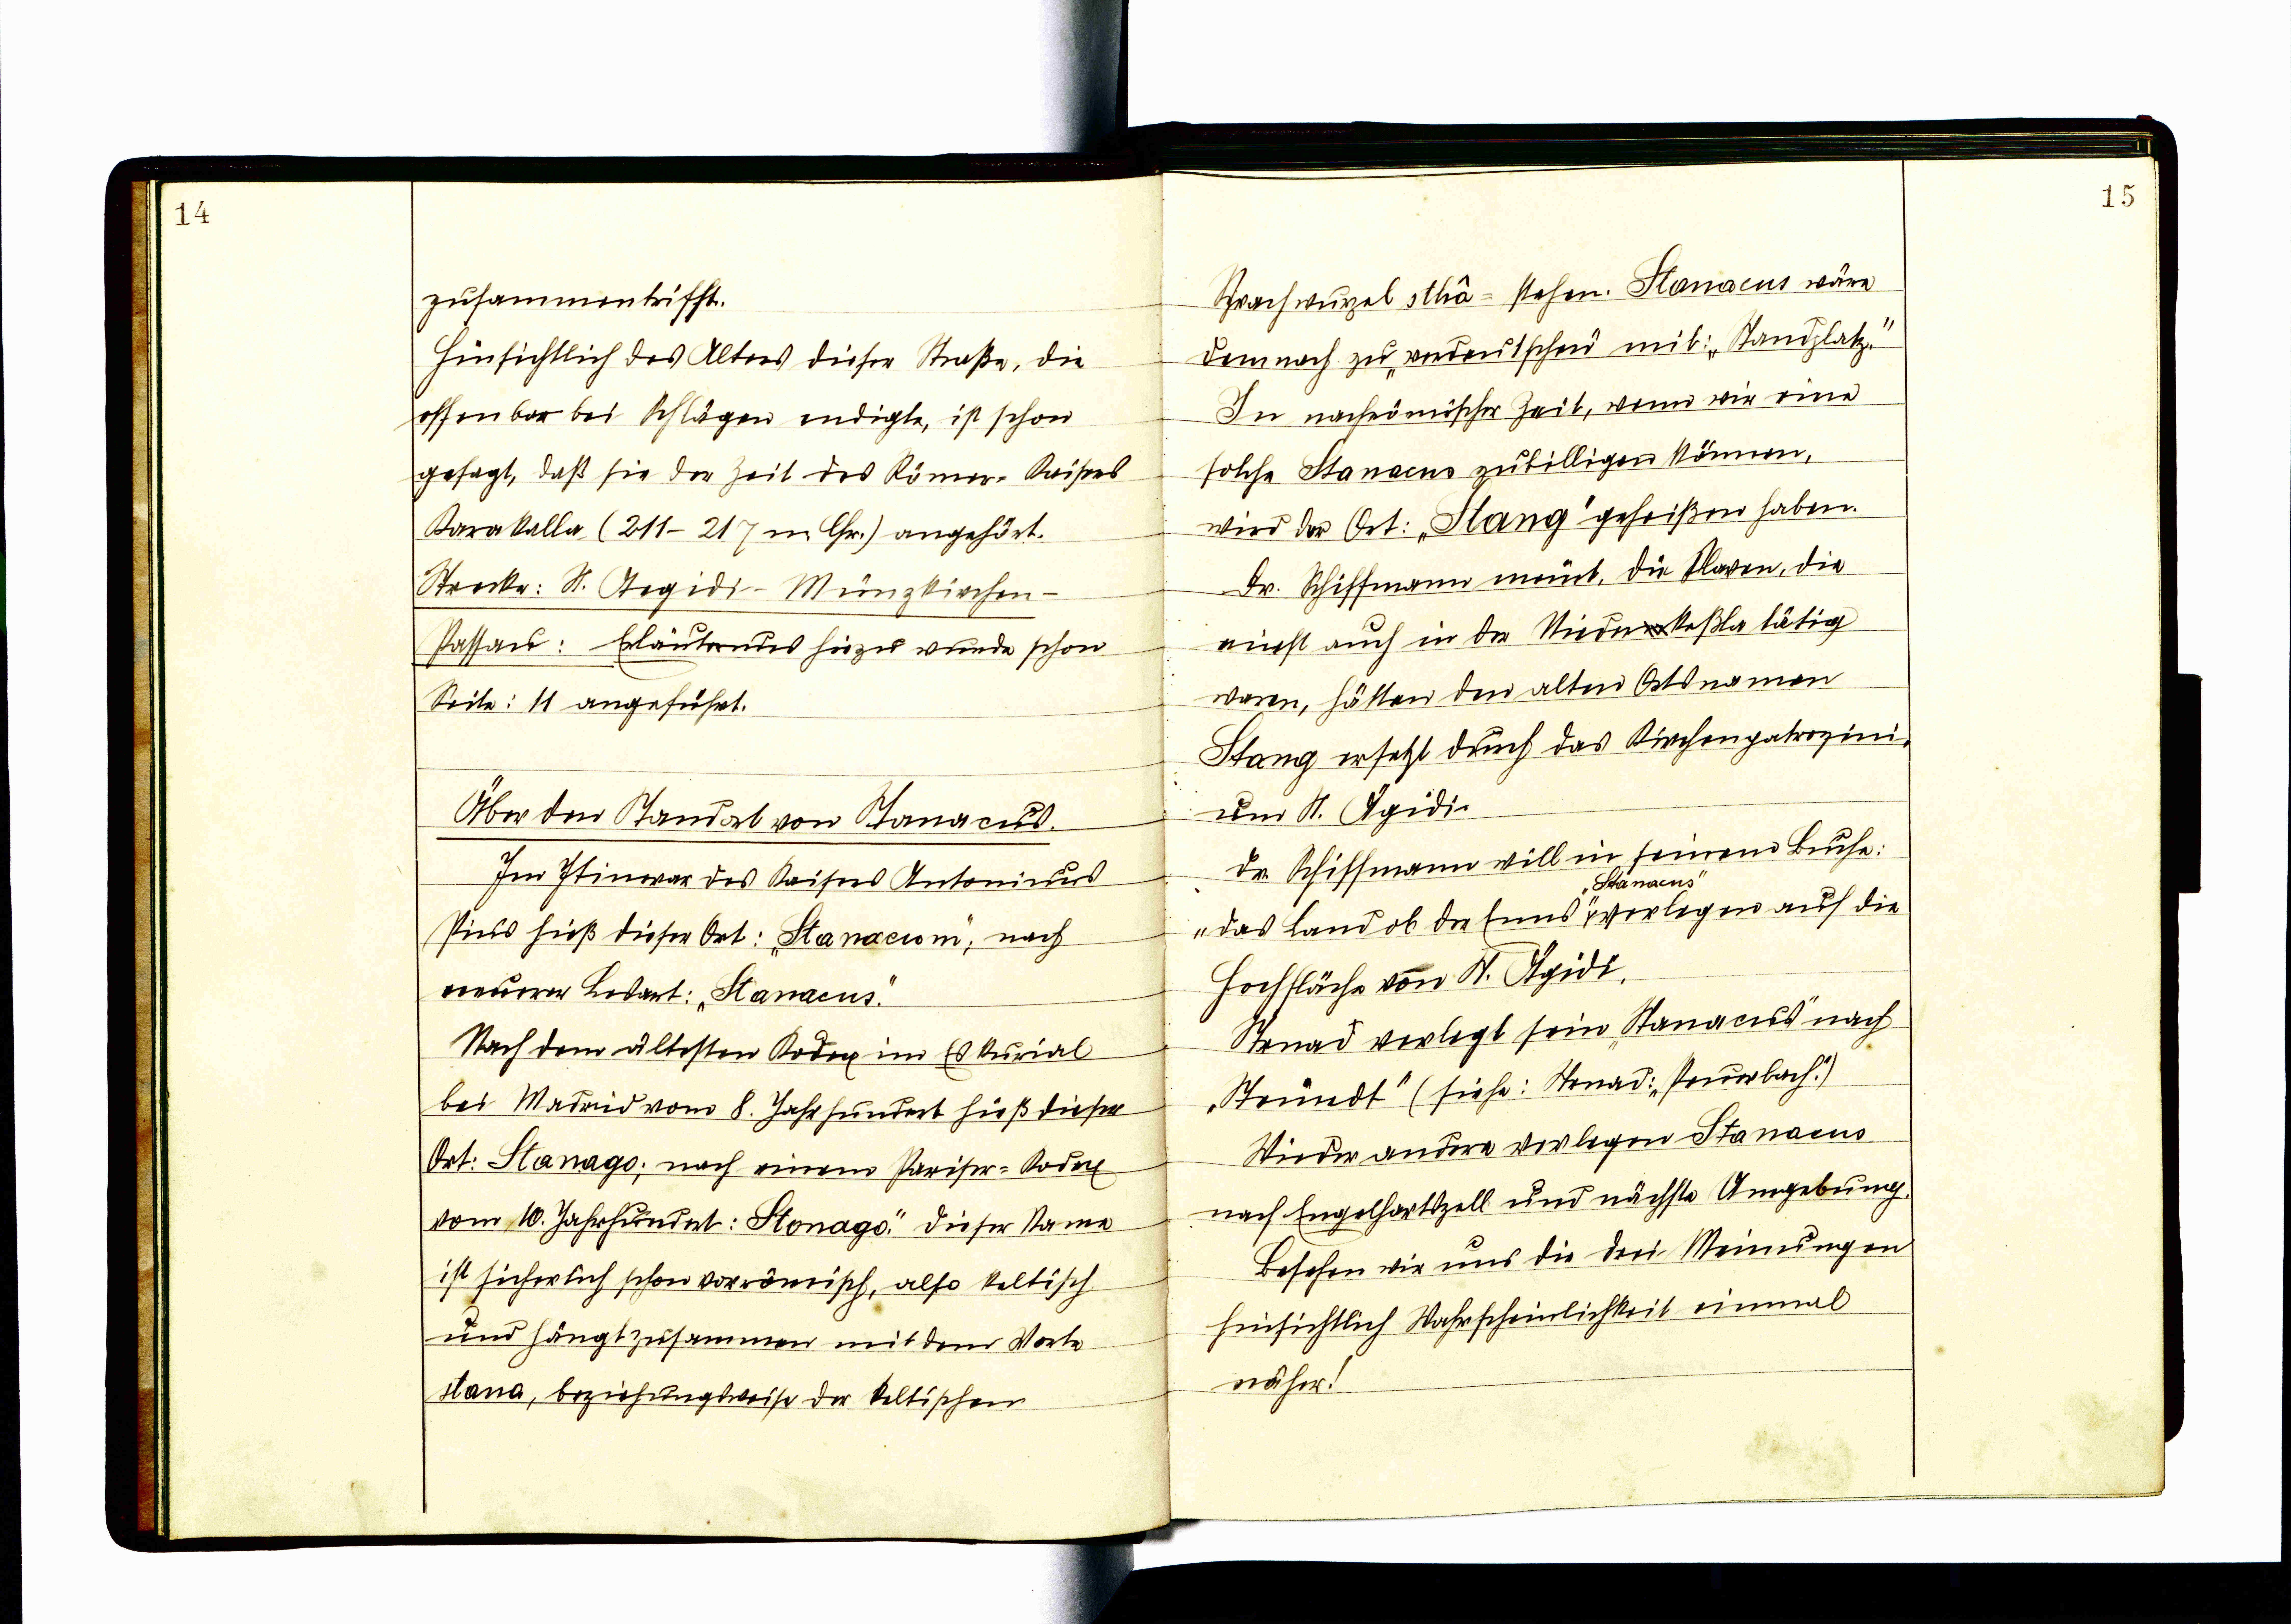zusammentrifft.
Hinsichtlich des Alters dieser Straße, die
offenbar bei Schlägen endigte, ist schon
gesagt, daß sie der Zeit des Römers Kaiser
Karakalla (211 -217 n. Chr.) angehört.
Strecke: St. Ägidi – Münzkirchen –
Passau: Erläute??? hiezu wurde schon
Seite: 11 angeführt.
Über den Standort von Stanacus.
Im Itinerar des Kaisers Anoninus
Pius hieß dieser Ort: „Stanacum“; nach
neuerer Lesart: „Stanacus“.
Nach dem ältesten Kodex im Eskurial
bei Madrid vom 8. Jahrhundert hieß dieser
Ort: Stanago; nach einem Pariser-Kodex
vom 10.Jahrhundert: Stonago“ Dieser Name
ist sicherlich schon vorrömisch, also keltisch
und hängt zusammen mit dem Worte
stana, beziehungsweise der keltischen
Strachwurzel stha = stehen. Stanacus wäre
demnach zu „verdeutschen“ mit „Standplatz“.
In nachrömischer Zeit, wenn wir eine
solche Stanacus zubilligen können,
wird der Ort: „Stang“ geheißen haben.
Dr. Schiffmann meint, die Slaven, die
nicht auch in der Niederkeßla tätig
waren, hätten dem alten Ortsnamen
Stang ersetzt durch das Kirchenpatrozini-
um St. Ägidi.
Dr. Schiffmann will in seinem Buche:
Stanacus
„das Land ob der Enns“ verlegen auf die
Hochfläche von St. Ägidi.
Strnad verlegt sein Stanacus nach
„Steinedt“ (siehe: Strnad; „Peuerbach“).
Wieder andere verlegen Stanacus
nach Engelhartszell und nächste Umgebung.
Besehen wir uns die drei Meinungen
hinsichtlich Wahrscheinlichkeit einmal
näher!